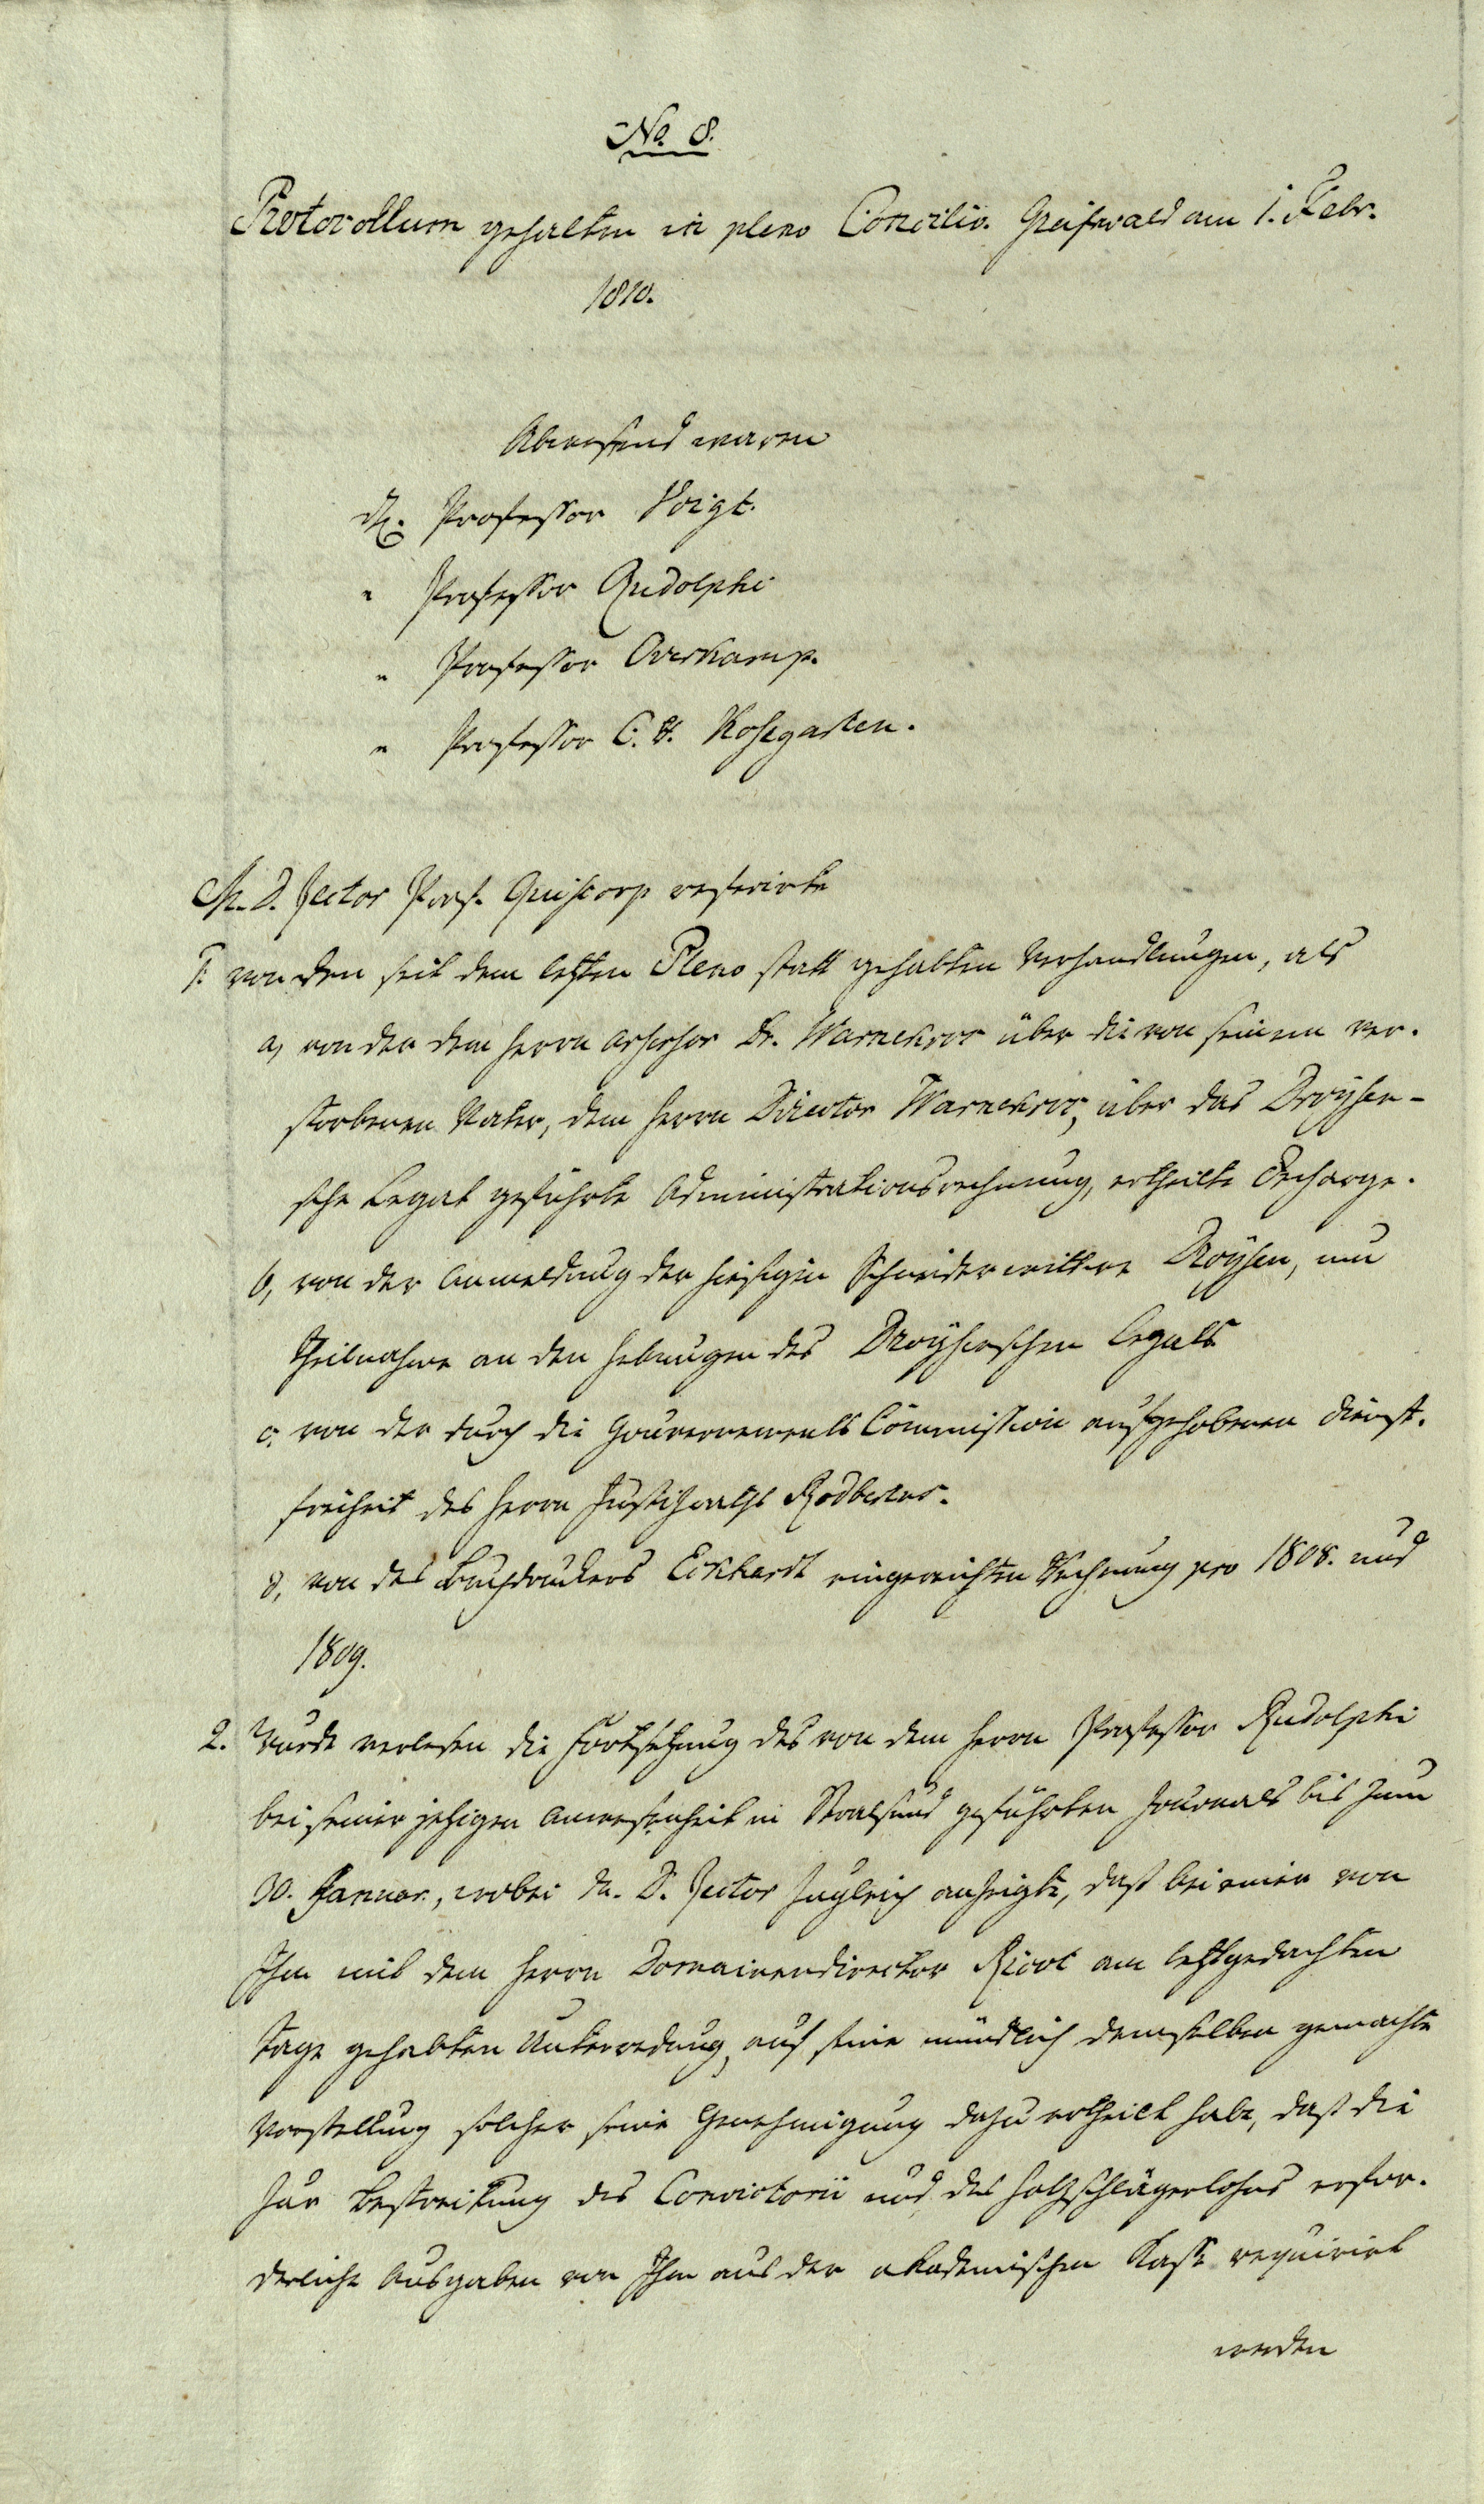No 8.
Protocollum gehalten in pleno Concilio Greifswald am 1. Febr.
1810.
Abwesend waren
dh. Professor Voigt.
Professor Rudolphi
Professor Overkamp.
Professor C. R. Kosegarten.
M. D. Rector Prof. Quistorp referirte
1. von den seit dem letzten Pleno statt gehabten Verhandlungen, als
a, von der dem Herrn Assessor Dr. Warnekros über die von seinem ver¬
storbenen Vater, dem Herrn Director Warneckros, über das Droÿsen¬
sche Legat geführte Administrationsrechnung, ertheilte Decharge.
b, von der Anmeldung der hiesigen Schneiderwittwe Droÿsen, um
Theilnahme an den Hebungen des Droÿsenschen Legats
c. von der durch die Gouvernements Commission aufgehobenen Dienst¬
freiheit des Herrn Justizraths Rodbertus.
d, von des Buchdruckers Eckhardt eingereichten Rechnung pro 1808. und
1809.
2. Wurde verlesen die Fortsetzung des von dem Herrn Professor Rudolphi
bei seiner jetzigen Anwesenheit in Stralsund geführten Journals bis zum
30. Januar, wobei M. D. Rector zugleich anzeigte, daß bei einer von
Ihm mit dem Herrn Domainendirector Ricot am letztgedachten
Tage gehabten Unterredung, auf seine mündlich demselben gemachte
Vorstellung solcher seine Genehmigung dazu ertheilt habe, daß die
zur Bestreitung des Convictorii und des Holzschlägerlohns erfor¬
derliche Ausgaben von Ihm aus der akademischen Kasse requirirt
werden